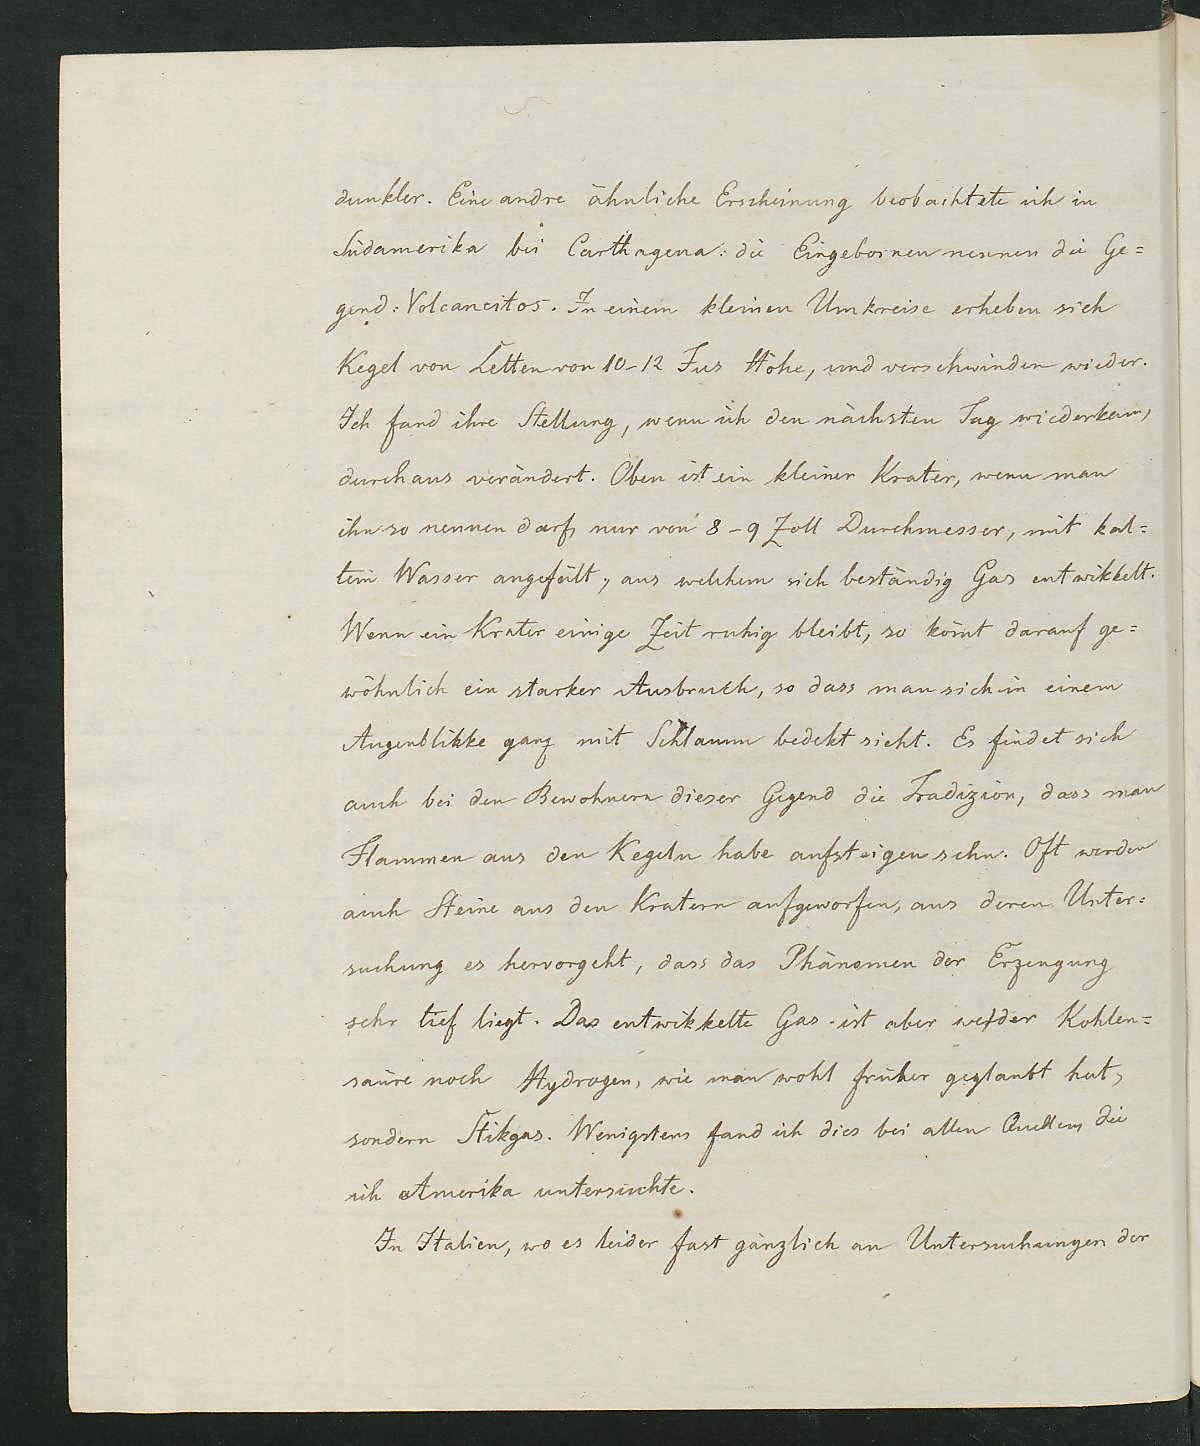dunkler. Eine andre ähnliche Erscheinung beobachtete ich in
Südamerika bei Carthagena: die Eingebornen nennen die Ge-
gend: Volcancitos. In einem kleinen Umkreise erheben sich
Kegel von Letten von 10–12 Fus Höhe, und verschwinden wieder.
Ich fand ihre Stellung, wenn ich den nächsten Tag wiederkam,
durchaus verändert. Oben ist ein kleiner Krater, wenn man
ihn so nennen darf, nur von 8–9 Zoll Durchmesser, mit kal-
tem Wasser angefült, aus welchem sich beständig Gas entwikkelt.
Wenn ein Krater einige Zeit ruhig bleibt, so kömt darauf ge-
wöhnlich ein starker Ausbruch, so dass man sich in einem
Augenblikke ganz mit Schlamm bedekt sieht. Es findet sich
auch bei den Bewohnern dieser Gegend die Tradizion, dass man
Flammen aus den Kegeln habe aufsteigen sehn. Oft werden
auch Steine aus den Kratern aufgeworfen, aus deren Unter-
suchung es hervorgeht, dass das Phänomen der Erzeugung
sehr tief liegt. Das entwikkelte Gas ist aber werder Kohlen-
säure noch Hydrogen, wie man wohl früher geglaubt hat,
sondern Stikgas. Wenigstens fand ich dies bei allen Quellen, die
ich Amerika untersuchte.
In Italien, wo es leider fast gänzlich an Untersuchungen der